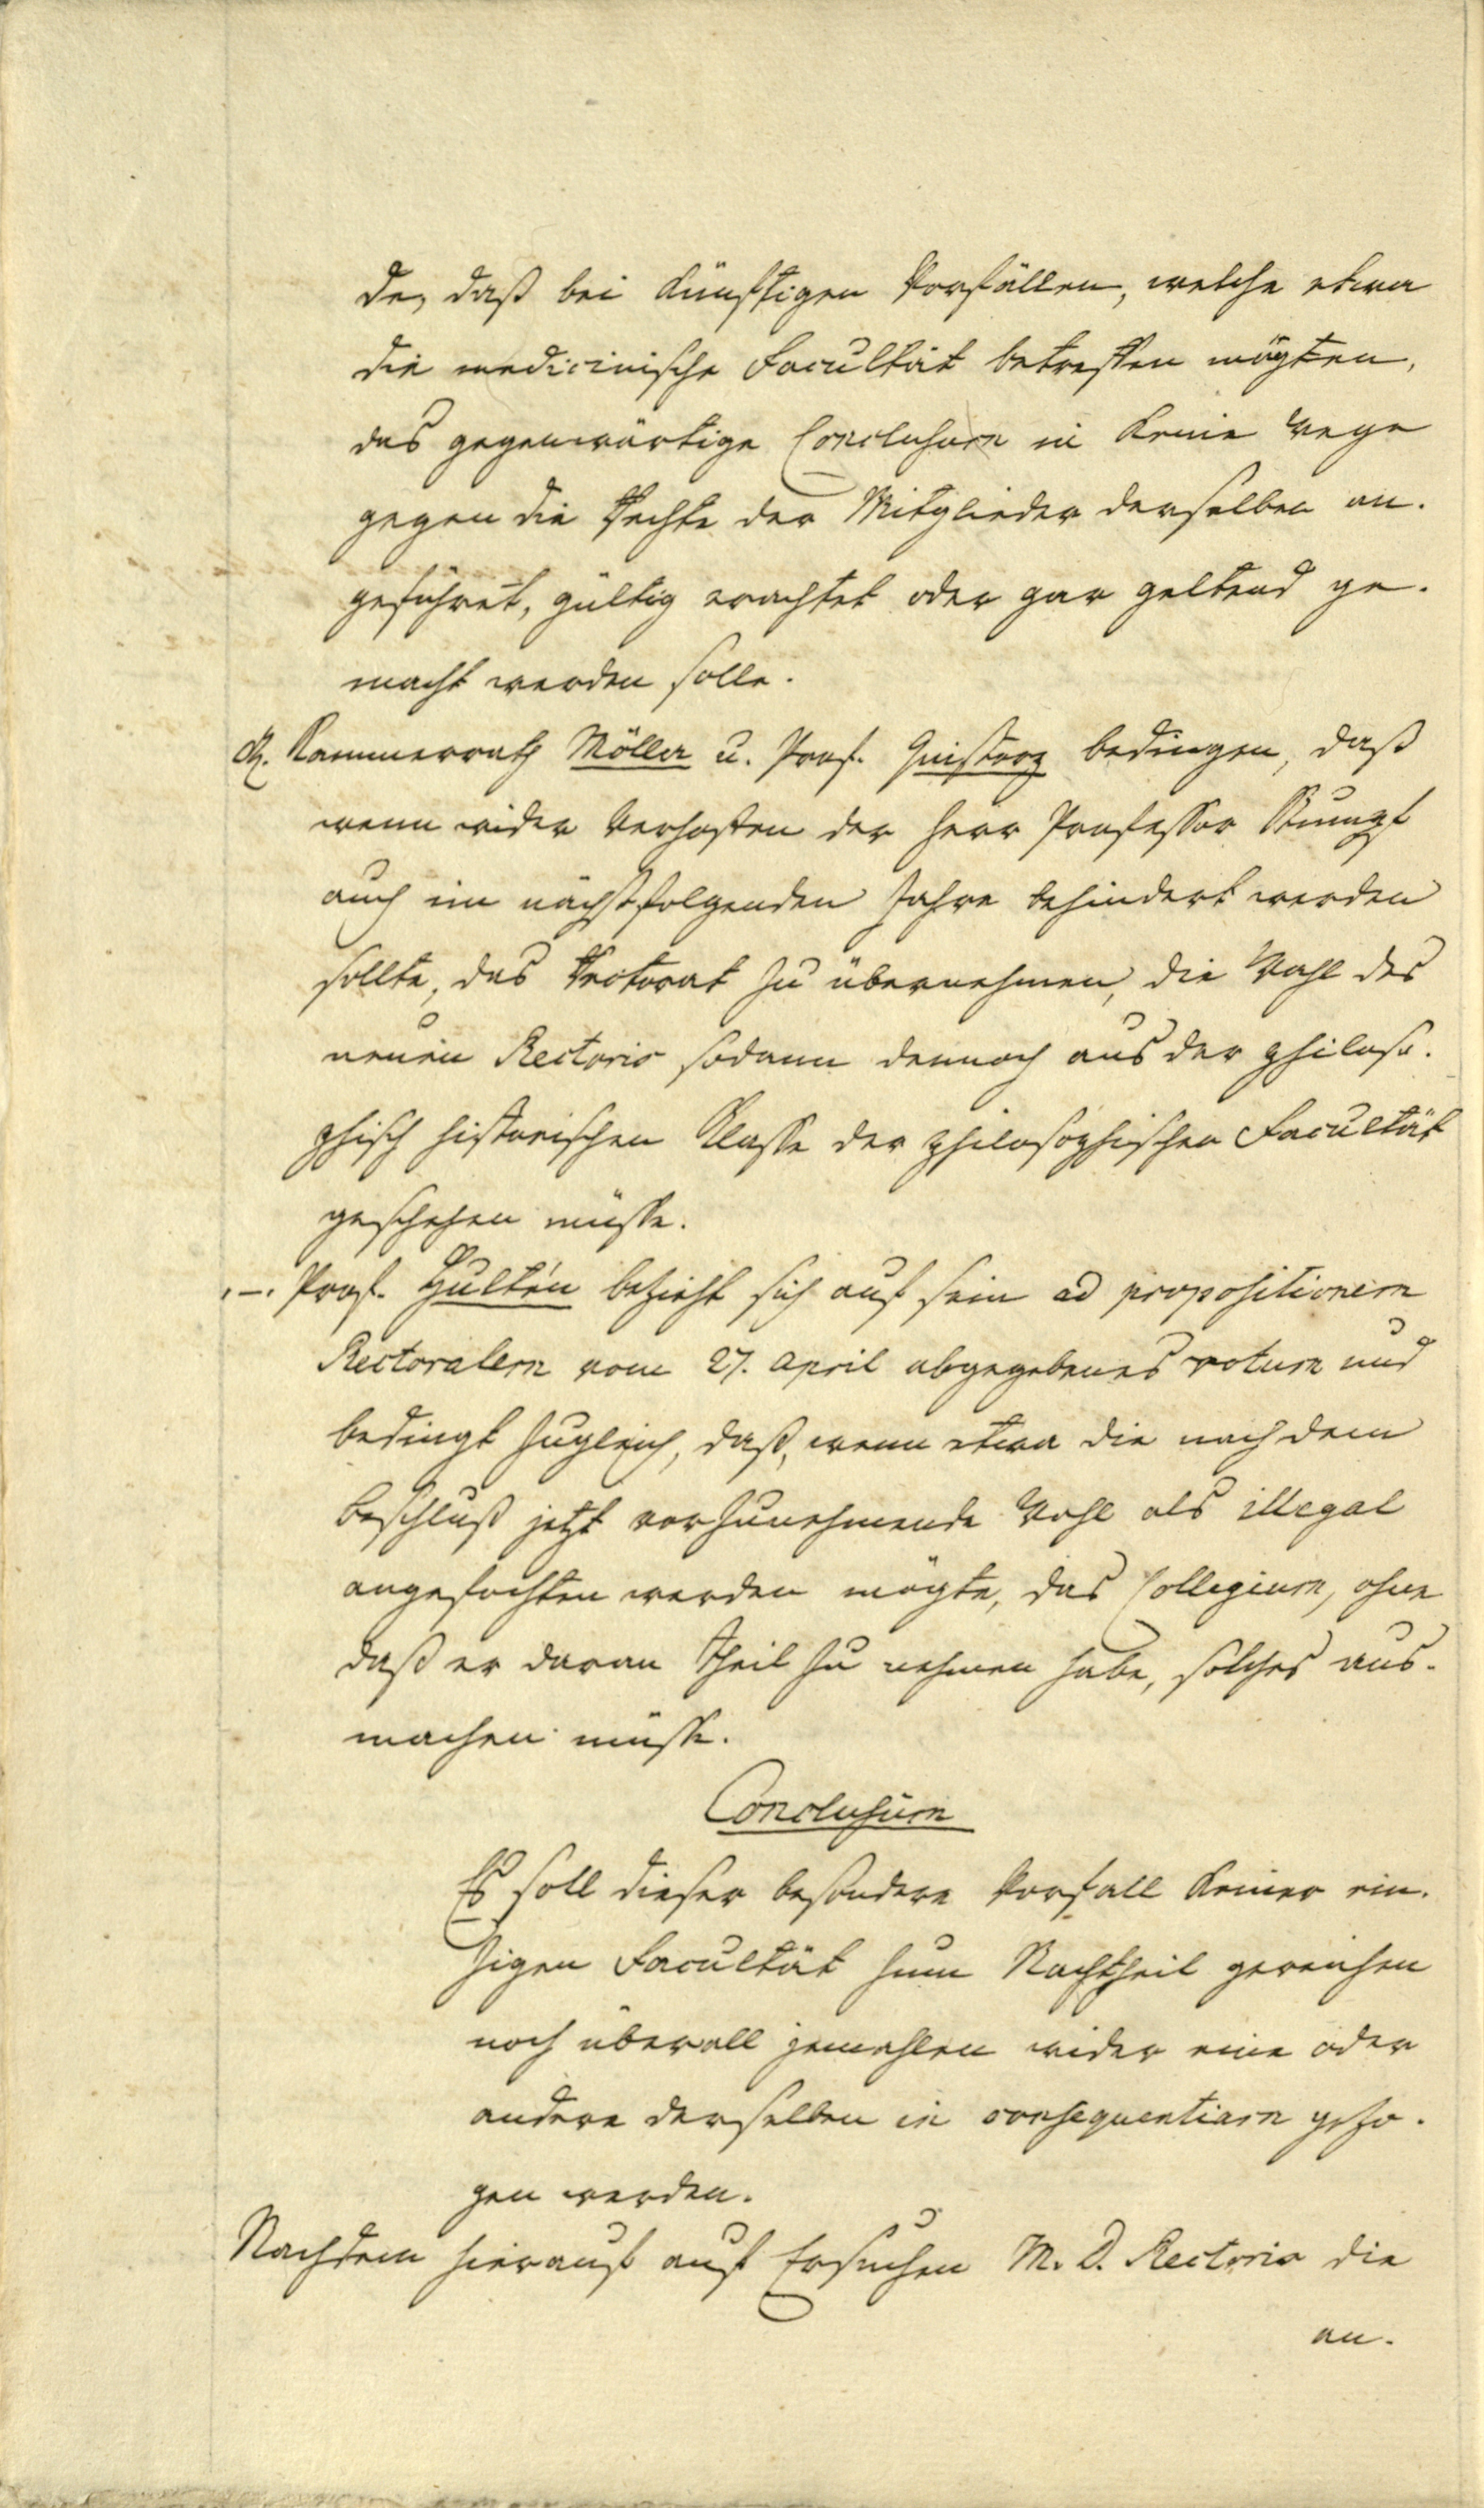de, daß bei künftigen Vorfällen, welche etwa
die medicinische Facultät betreffen mögten,
das gegenwärtigen Conclusum in keine Wege
gegen die Rechte der Mitglieder derselben an¬
geführet, gültig erachtet oder gar geltend ge¬
macht werden solle.
dh. Kammerrath Möller u. Prof. Quistorp bedingen, daß
wenn wider Verhofen der Herr Professor Stumpf
auch im nächstfolgenden Jahre behindert werden
sollte, das Rectorat zu übernehmen, die Wahl des
neuen Rectoris sodann dennoch aus der philoso¬
phisch historischen Klasse der philosophischen Facultät
geschehen müsse.
Prof. Hultén bezieht sich auf sein ad propositionem
Rectoralem vom 27. April abgegebenes votum und
bedinget zugleich, daß, wenn etwa die nach dem
Beschluß jetzt vorzunehmende Wahl als illegal
angefochten werden mögte, das Collegium, ohne
daß er daran Theil zu nehmen habe, solches aus¬
machen müsse.
Conclusum
Es soll dieser besondere Vorfall keiner ein¬
zigen Facultät zum Nachtheil gereichen
noch überall jemahlen weder eine oder
andere derselben in consequentiam gezo¬
gen werden.
Nachdem hierauf auf Ersuchen M. D. Rectoris die
an